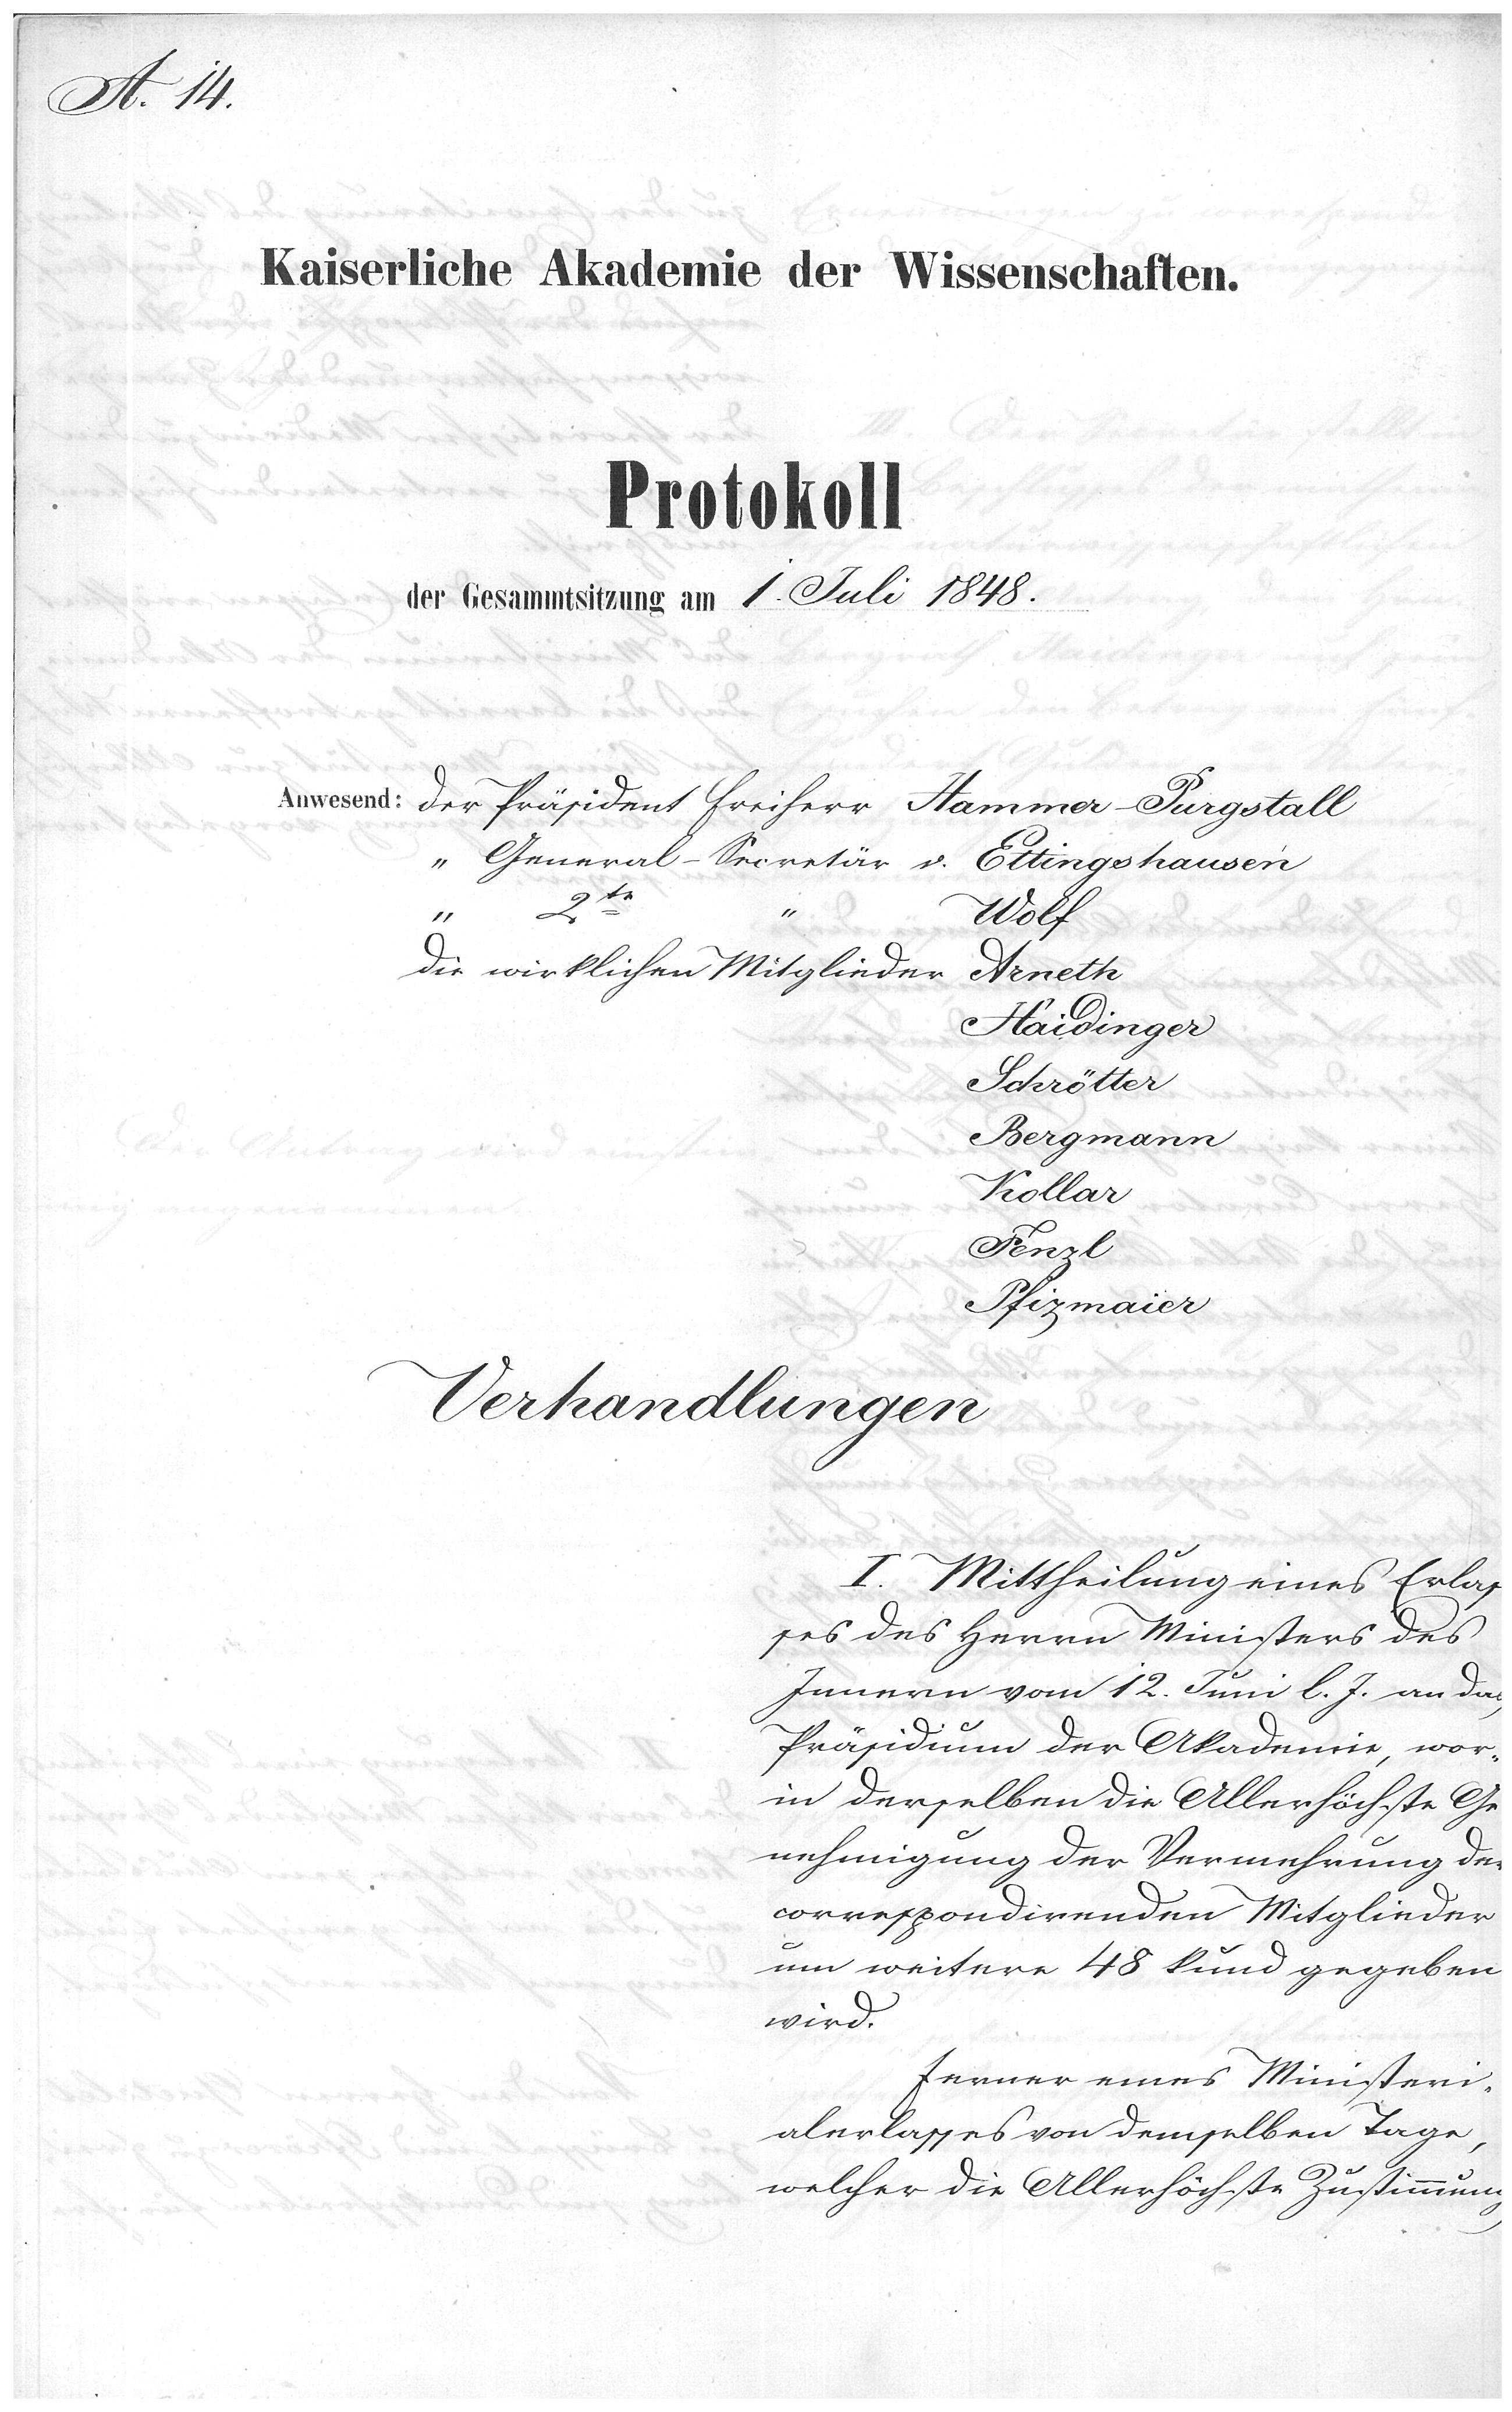A. 14.
Kaiserliche Akademie der Wissenschaften.
Protokoll
der Gesammtsitzung vom 1. Juli 1848.
Anwesend: der Präsident Freiherr Hammer-Purgstall
" General-Secretär v. Ettingshausen
" 2te " Wolf
die wirklichen Mitglieder Arneth
Haidinger
Schrötter
Bergmann
Kollar
Fenzl
Pfizmaier
Verhandlungen
I. Mittheilung eines Erlas-
ses des Herrn Minister des
Innern vom 12. Juni l.J., an das
Präsidium der Akademie, wor-
in derselben die Allerhöchste Ge-
nehmigung der Vermehrung der
correspondirenden Mitglieder
um weitere 48 kund gegeben
wird.
Ferner eines Ministeri-
alerlasses von demselbenTage,
welcher die Allerhöchste Zustimmung